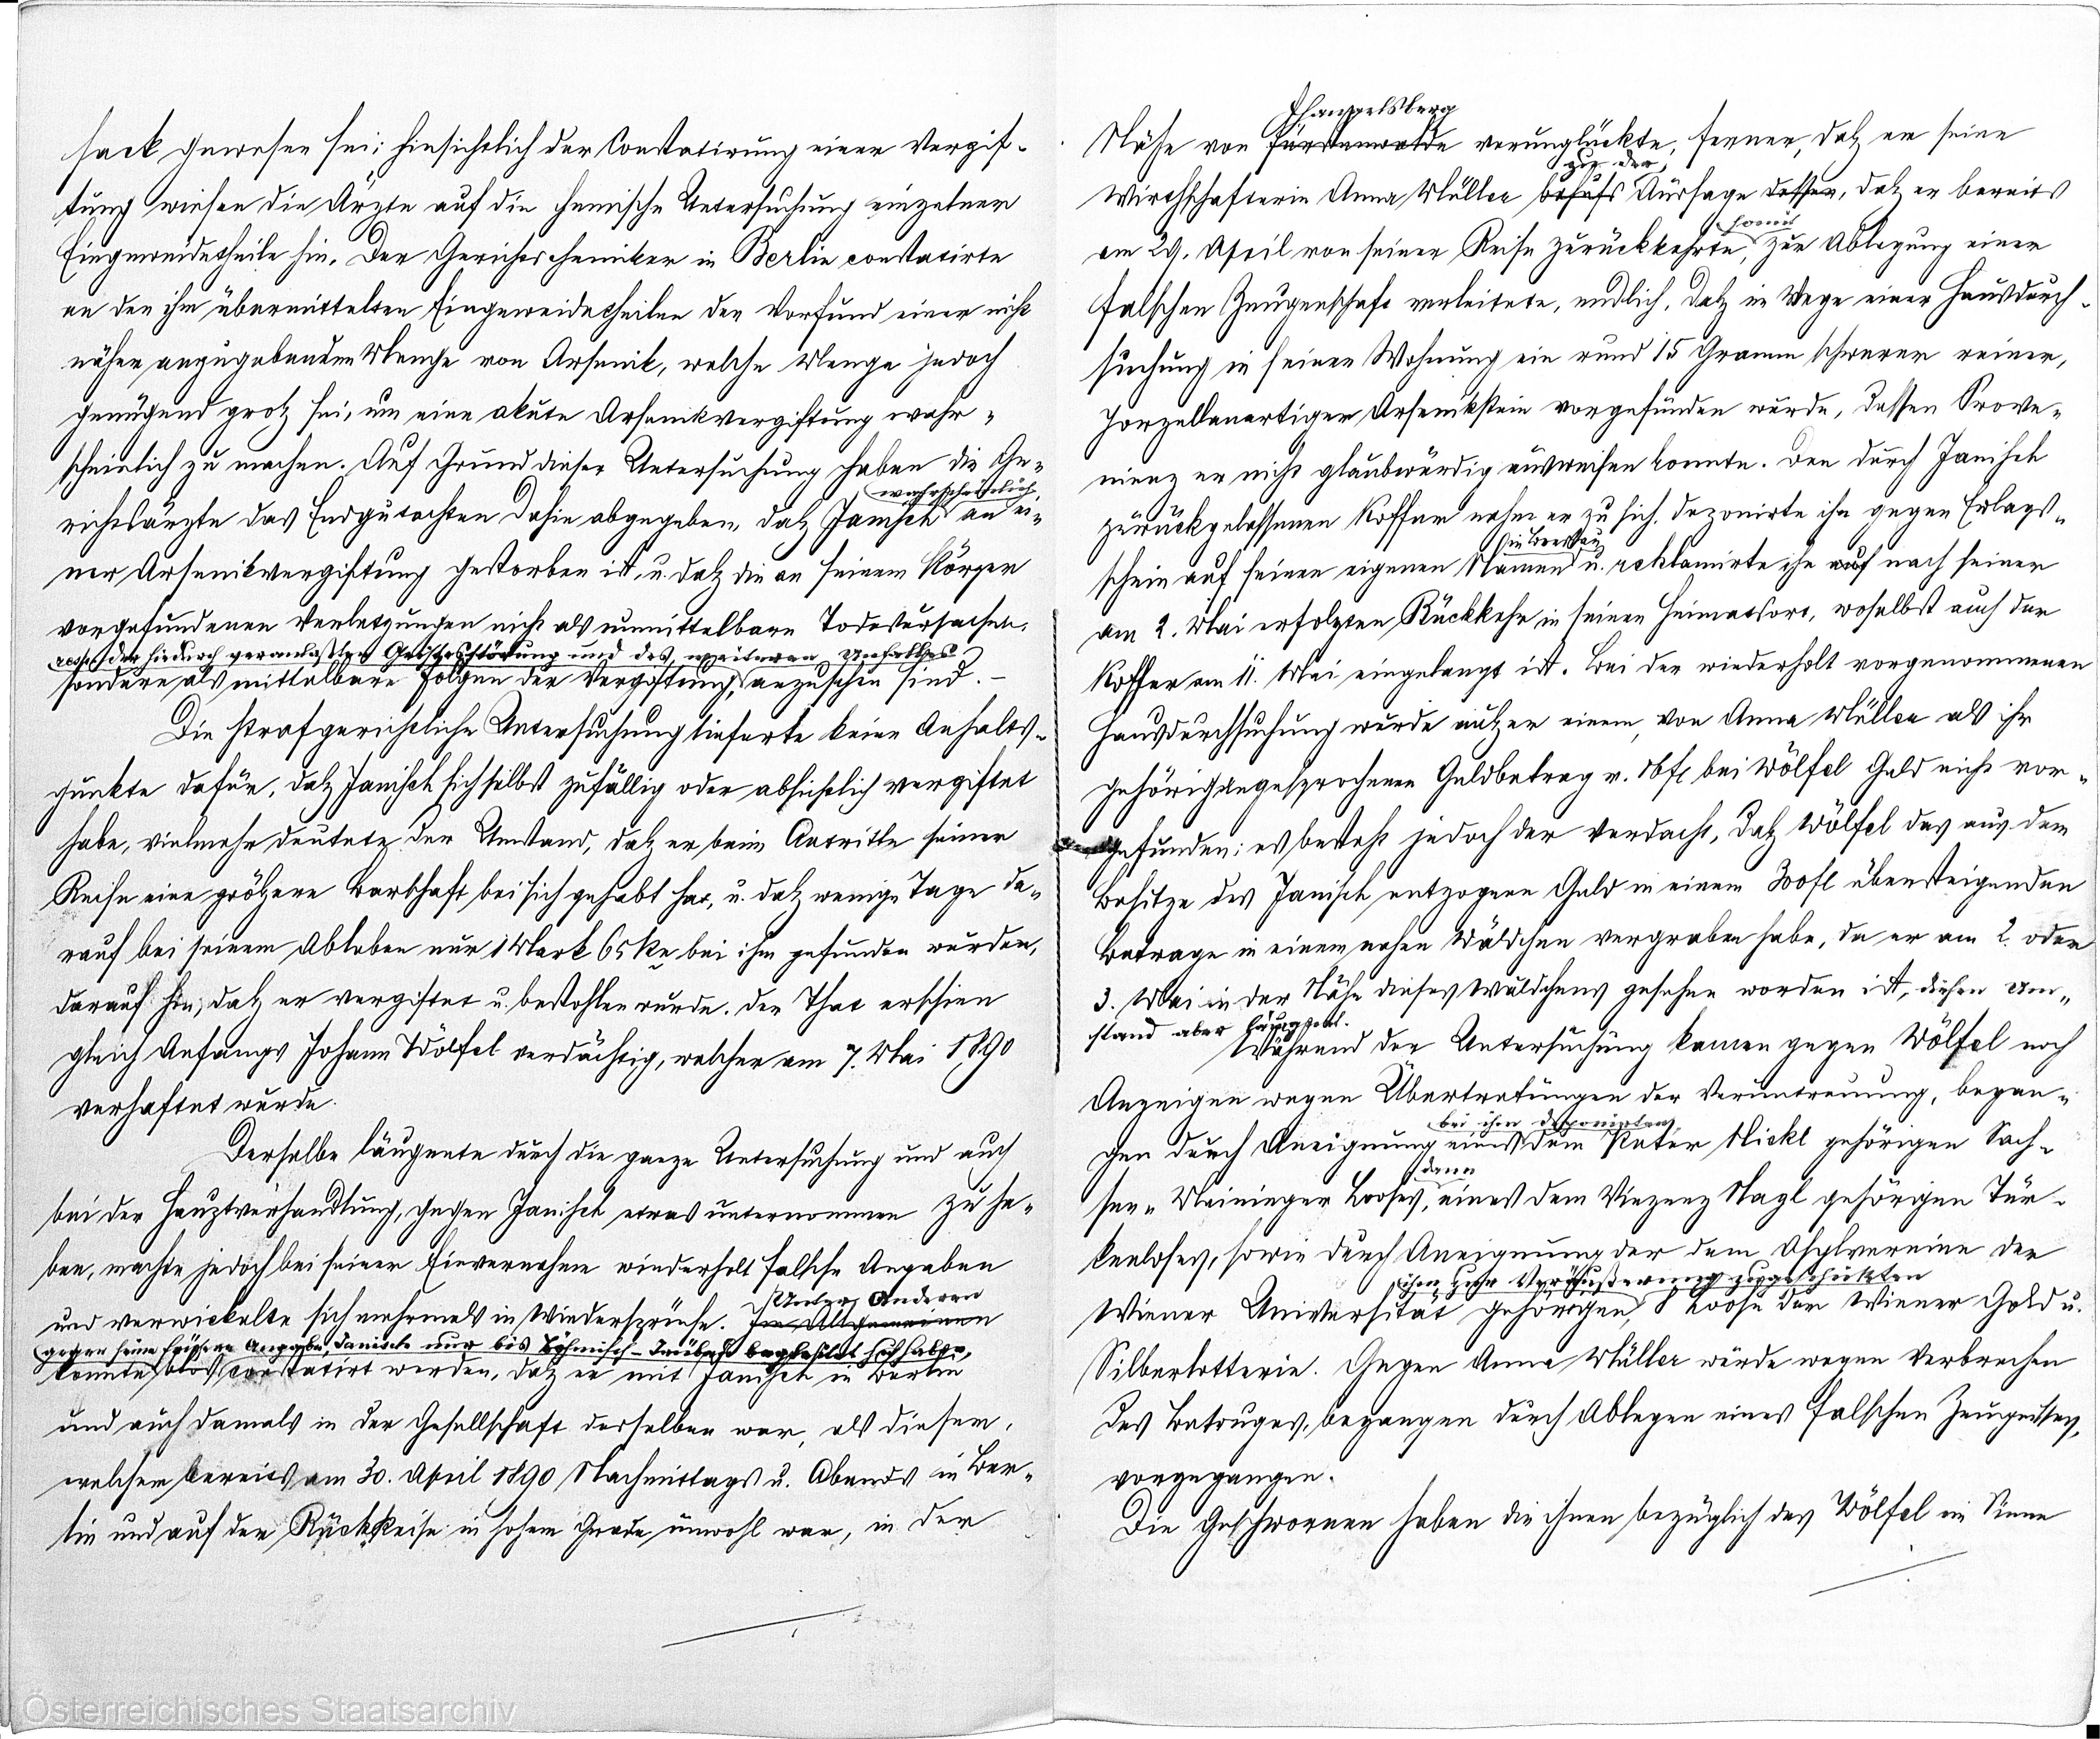sack gewesen sei; hinsichtlich der Constatirung einer Vergif¬
tung wiesen die Ärzte auch die heimische Untersuchung einzelner
Eingeweidetheile sei. Der Gerichtschemiker in Berlin constatirte
an den ihm übermittelten Eingeweidecheilen den Vorfund einer nicht
näher anzugebenden Menge von Arsenik, welche Menge jedoch
genügend gros sei, um eine akute Arsenikvergfitung, wahr¬
scheinlich zu machen. Auf Grund dieser Untersuchung haben die Ge¬
wahrscheinlich
richtsärzte das Endgutachten dahin abgegeben, daß Janisch an ei¬
ner Arsenikvergiftung gestorben ist u. daß die an seinem Körper
vorgefundenen Verletzungen nicht als unmittelbare Todesursachen
resp. der hindurch veranlaßten Geistesstörung und des weiterer Unfalles
sondern als mittelbare Folgen der Vergiftung, anzusehen sind.
Die strafgerichtiche Untersuchung lieferte keine Anhalts¬
punkte dafür , daß Janisch sich selbst zufällig oder absichtlich vergiftet
habe, vielmehr deutete der Umstand, daß er beim Antritte seiner
Reise eine größere Barschaft bei sich gehabt hat, u daß wenige Tage da¬
rauf bei seinem Ableben nur 1 Mark 65 Kr bei ihm gefunden wurden,
darauf hin, daß er vergiftet u bestohlen wurde. Der That erschien
gleich Anfangs Johann Wölfel verdächtig, welcher am 7. Mai 1890
verhaftet wurde.
Derselbe läugnete durch die ganze Untersuchung und auch
bei der Hauptverhandlung, gegen Janisch etwas unternommen zu ha¬
ben, machte jedoch bei seiner Einvernehme wiederholt falsche Angaben
Unter Anderen
und verwickelte sich mehrmals in Wiedersprüche.
gegen seine frühere Angabe, Janisch nur bis Böhmisch-Trübau begleitet zu haben,
konnte bloß constatirt werden, daß er mit Janisch in Berlin
und auch damals in der Gesellschaft derselben war, als dieser
welcher bereits am 30. April 1890 Nachmittags und Abends in Ber¬
lin und auf der Rückreise in hohem Grade unwohl war, in der
Hangelsburg
Nähe von verunglückte, ferner, daß er seine
zu der
Wirthschafterin Anna Müller Aussage, daß er bereits
Somit
am 29. April von seiner Reise zurückkehrte, zur Ablegung einer
falscher Zeugenschaft verleitete, endlich, daß im Wege einer Hausdurch¬
suchung in seiner Wohnung ein rund 15 Gramm schwerer reiner
Porzellanartiger Arsenikstein vorgefunden wurde, dessen Prove¬
nienz er nicht glaubwürdig ausweisen konnte. Den durch Janisch
zurückgelassenen Koffer nahm er zu sich, deponirte ihn gegen Erlags¬
in Breslau
schein auf seiner eigenen Namen u reklamirte ihn nach seiner
am 2. Mai erfolgten Rückkehr in seinen Heimatsort, woselbst auch der
Koffer am 11 Mai eingelangt ist. Bei der wiederholt vorgenommenen
Hausdurchsuchung wurde außer einem von Anna Müller als ihr
gehörigangesprochenen Geldbetrag v. 16 fl bei Wölfel Geld nicht vor¬
gefunden; es besteht jedoch der Verdacht, daß Wölfel das aus dem
Besitze der Janisch entzogene Geld in einem 300 fl übersteigenden
Betrage in einem nahen Wäldchen vergraben habe, da er am 2. oder
3. Mai in der Nähe dieses Waldchens gesehen worden ist, dieser Um¬
stand aber läugnet.
Während der Untersuchung kamen gegen Wölfel noch
Anzeigen wegen Übertretungen der Veruntrauung, began¬
bei ihm deponirten
gen durch Aneignung eines dem Peter Nickt gehörigen Sach¬
denn
sen-Meininger Looses eines dem Vinzenz Nagl gehörigen Tür¬
kenloses, sowie durch Aneignung der dem Asylvereine der
ihre zur Veräußerung zugeschüßten
Wiener Universität gehörigen, 8 Loose der Wiener Gold u
Silberlotterie. Gegen Anna Müller würde wegen Verbrechen
des Betruges begangen durch Ablagen eines falschen Zeugnisses
vorgegangen.
Die Geschwornen haben die ihnen bezüglich des Wölfel im Sinne